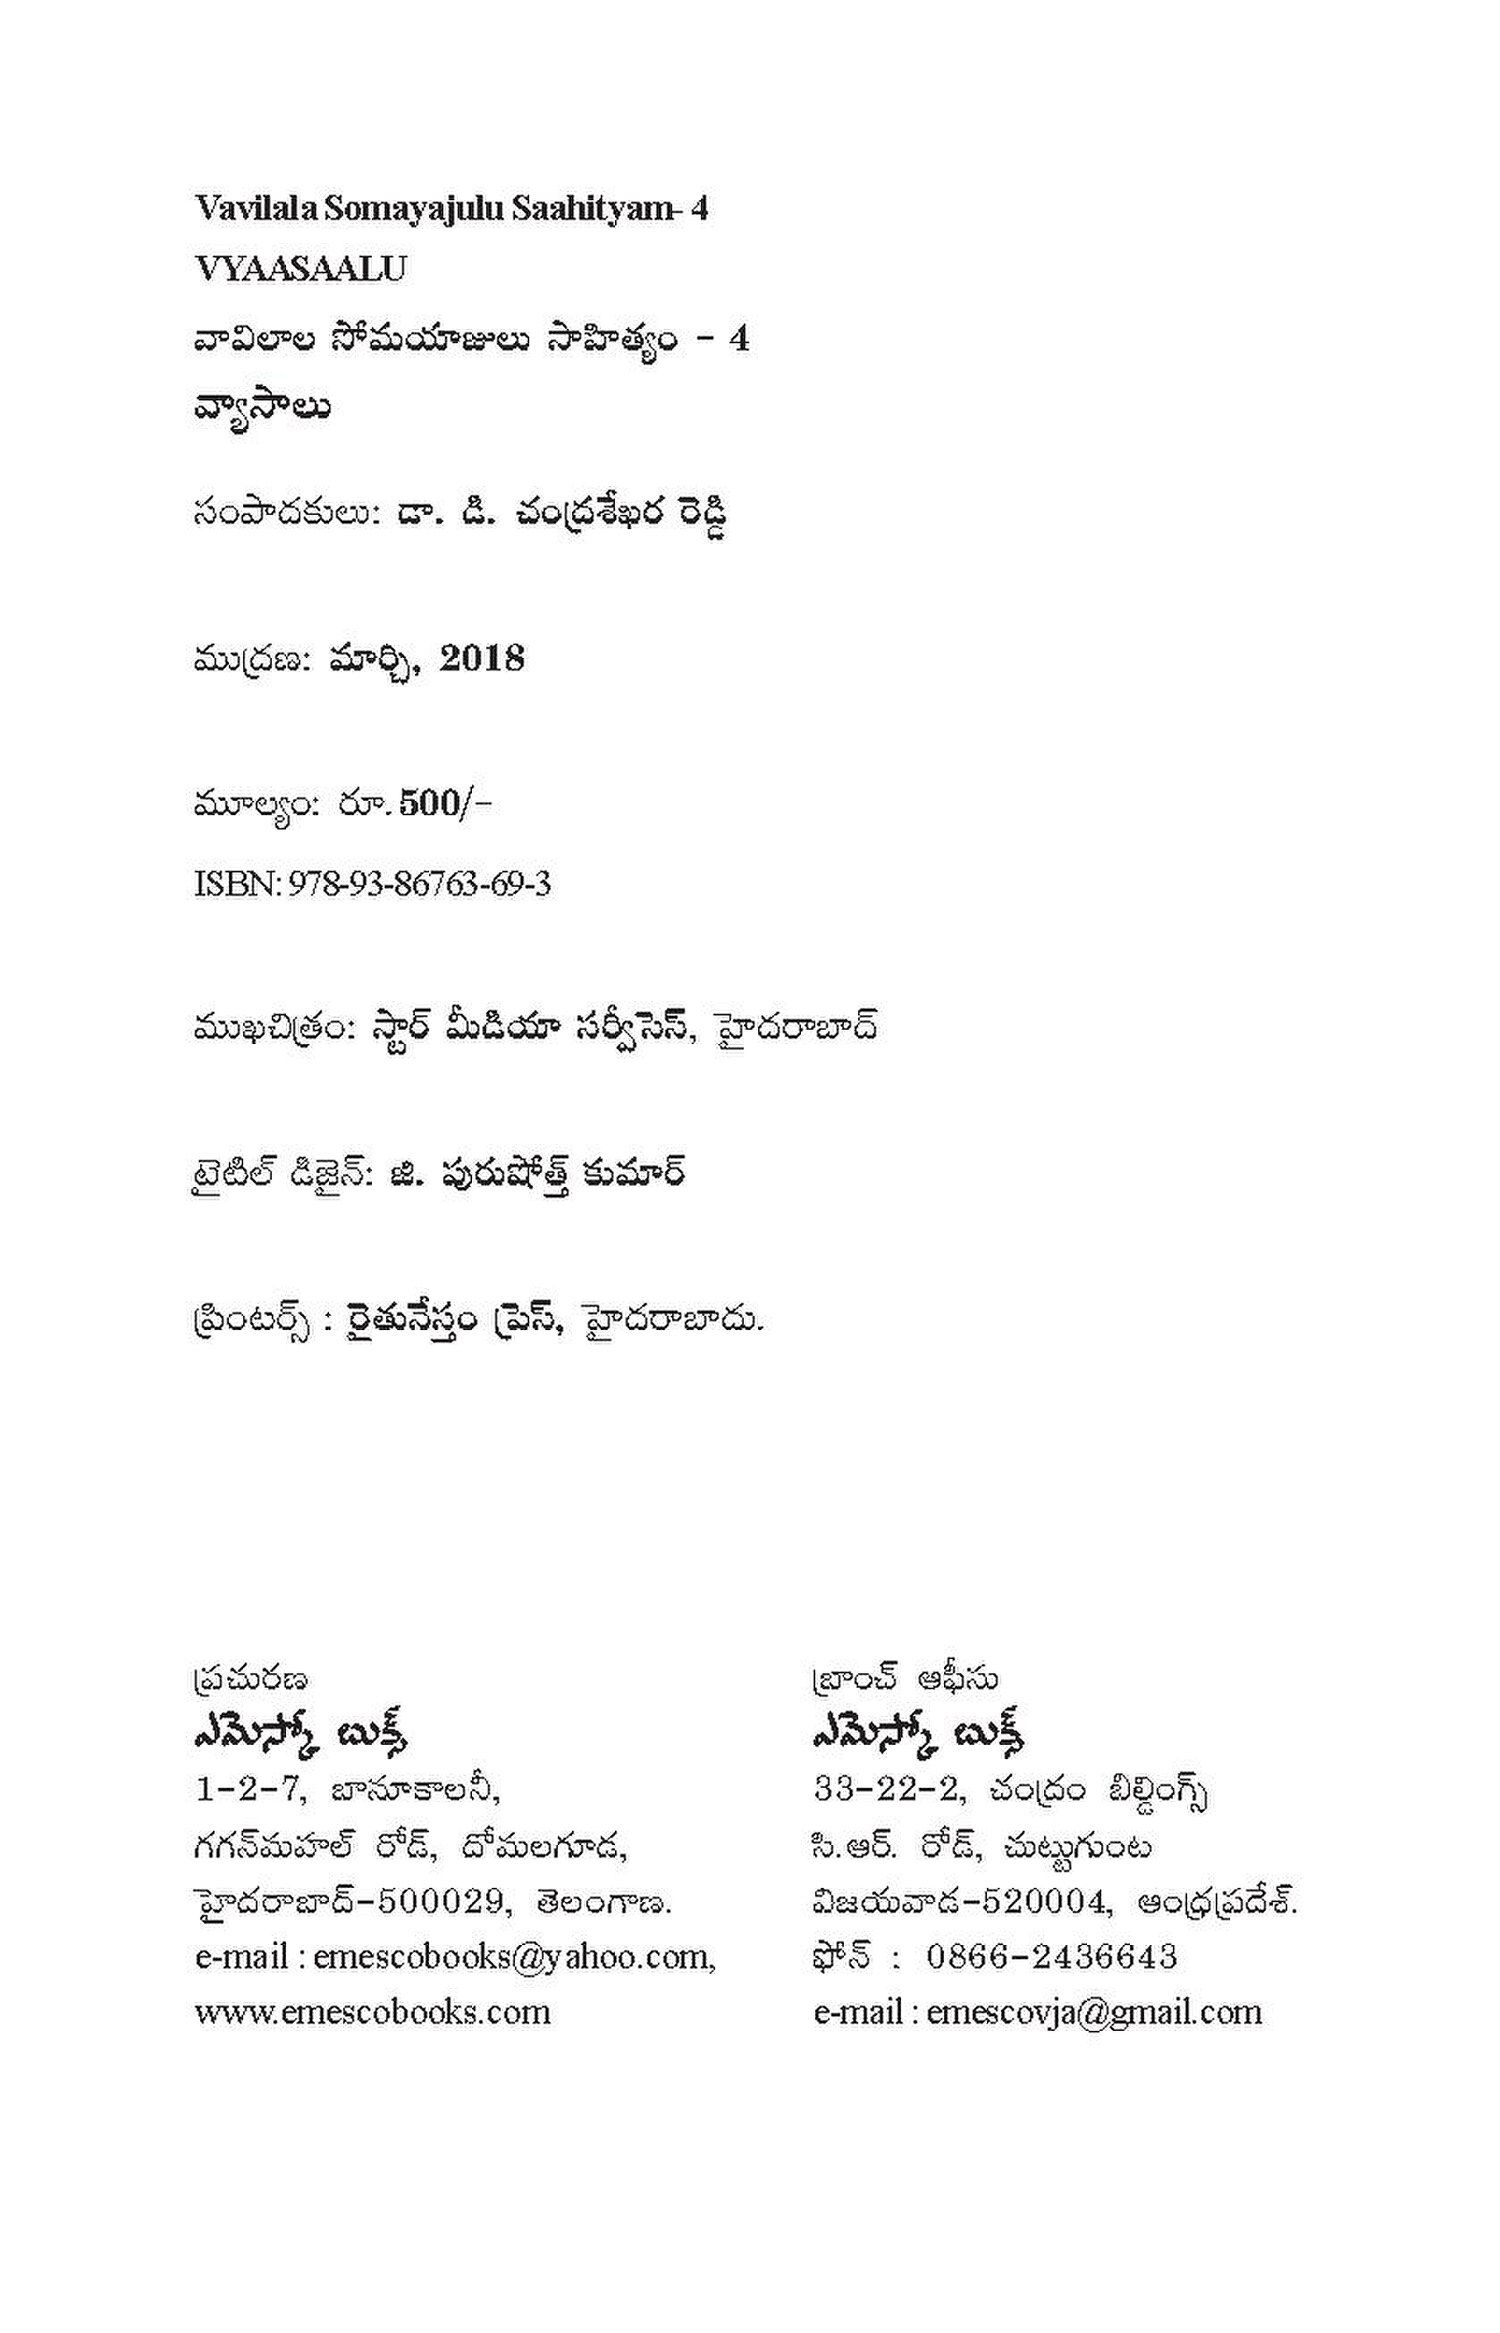Vavilala Somayajulu Saahityam- 4

VYAASAALU

వావిలాల సోమయాజులు సాహిత్యం - 4

వ్యాసాలు

సంపాదకులు: డా. డి. చంద్రశేఖర రెడ్డి

ముద్రణ: మార్చి, 2018

మూల్యం: రూ. 500/-

ISBN: 978-93-86763-69-3

ముఖచిత్రం: స్టార్ మీడియా సర్వీసెస్, హైదరాబాద్

టైటిల్ డిజైన్: జి. పురుషోత్త్ కుమార్

ప్రింటర్స్ : రైతునేస్తం ప్రెస్, హైదరాబాదు.